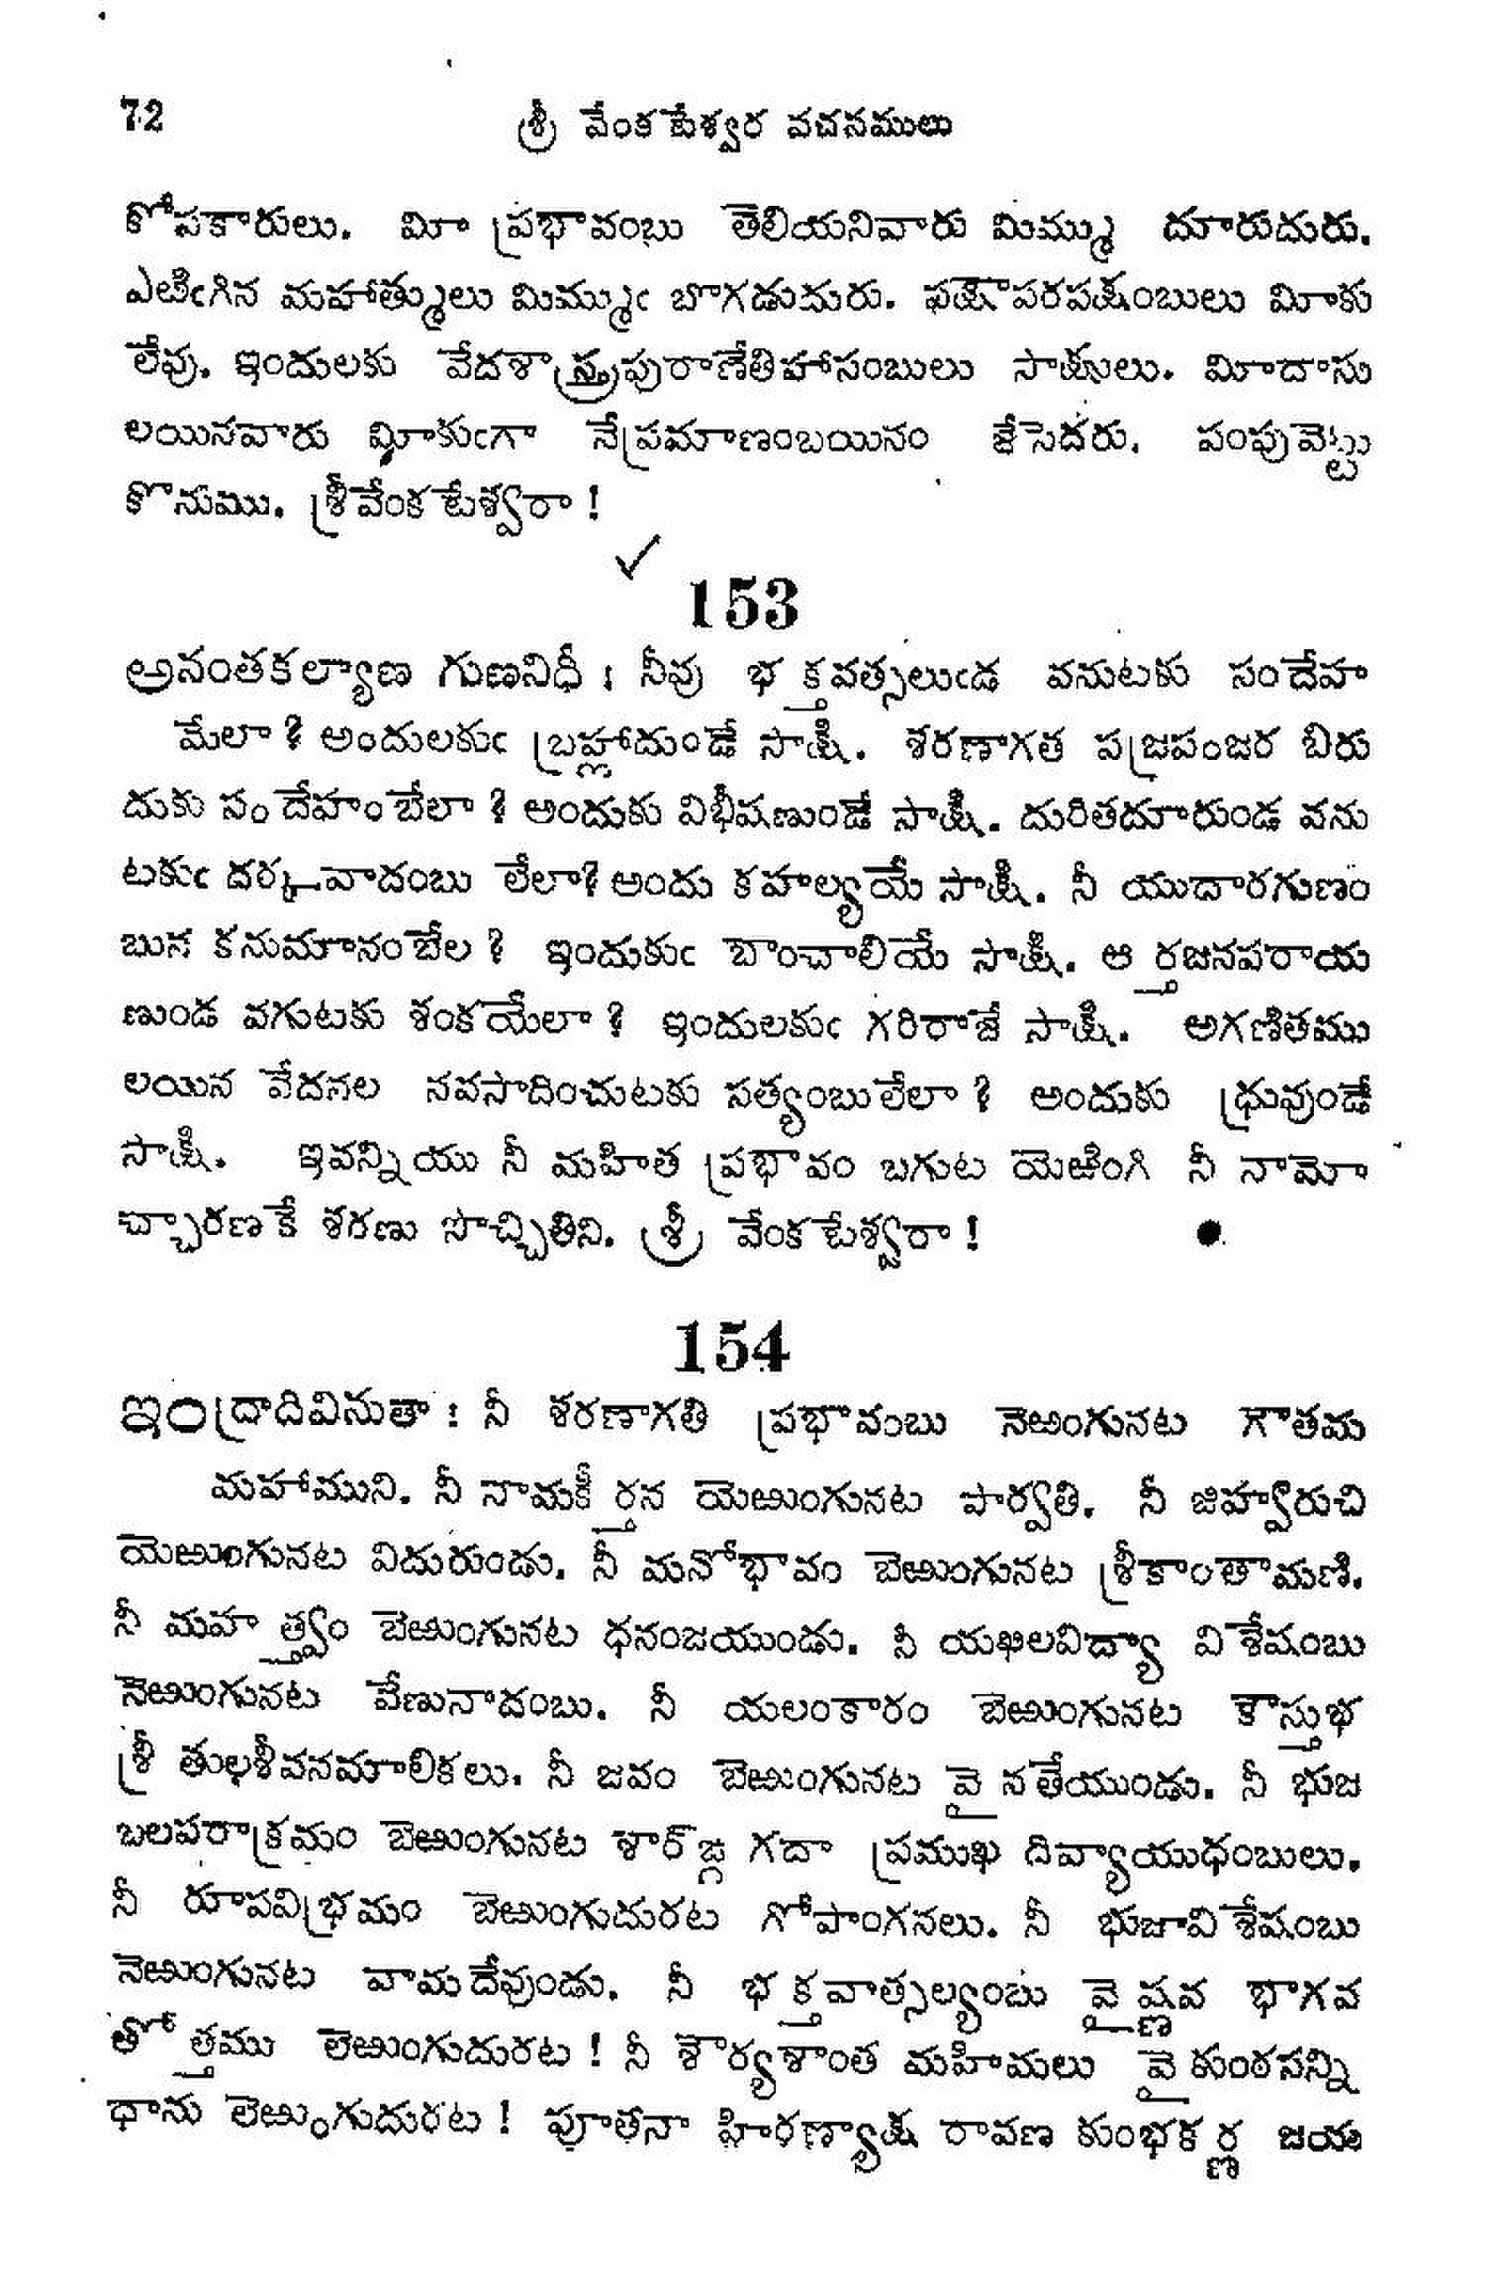కోపకారులు. మీ ప్రభావంబు తెలియనివారు మిమ్ము దూరుదురు. ఎఱీఁగిన మహాత్ములు మిమ్ముఁ బొగడుదురు. ఫక్షా పరపక్షంబులు మీకు లేవు. ఇందులకు వేదశాస్త్ర పురాణేతిహాసంబులు సాక్షులు. మీదాసు లయినవారు మీకుఁగా నేప్రమాణంబయినం జేసెదరు. పంపు వెట్టు కొనుము. శ్రీ వేంకటేశ్వరా !

153 

 ! నీవు భక్తవత్సలుఁడ వనుటకు సందేహమేలా ? అందులకుఁ బ్రహ్లాదుండే సాక్షి. శరణాగత వజ్రపంజర బిరు దుకు సందేహంబేలా ? అందుకు విభీషణుండే సాక్షి. దురితదూరుండ వను టకుఁ దర్క వాదంబు లేలా? అందు కహల్యయే సాక్షి. నీ యుదారగుణం బున కనుమానం బేల ? ఇందుకుఁ బాంచాలియే సాక్షి. ఆ ర్తజనపరాయ ణుండ వగుటకు శంక యేలా? ఇందులకుఁ గరిరాజే సాక్షి. అగణితము లయిన వేదనల నవసాదించుటకు సత్యంబు లేలా ? అందుకు ధ్రువుండే సాక్షి. ఇవన్నియు నీ మహిత ప్రభావం బగుట 'యెఱింగి నీ నామో' చ్చారణ కే శరణు సొచ్చితిని. శ్రీ వేంక టేశ్వరా !

154 

 ! నీ శరణాగతి ప్రభావంబు నెఱంగునట గౌతమ మహాముని. నీ నామకీర్తన యెఱుంగునట పార్వతి. నీ జిహ్వరుచి యెఱుంగునట విదురుండు, నీ మనోభావం బెఱుంగునట శ్రీకాంతామణి. నీ మహ త్వం బెఱుంగునట ధనంజయుండు. నీ యఖిలవిద్యా విశేషంబు నెఱుంగునట వేణునాదంబు, నీ యలంకారం బెఱుంగునట కౌస్తుభ శ్రీ తులశీవనమాలికలు. నీ జవం బెఱుంగునట వైనతేయుండు. నీ భుజ బలపరాక్రమం బెఱుంగునట శార్ జ్గ గదా ప్రముఖ దివ్యాయుధంబులు. నీ రూపవిభ్రమం బెఱుంగుదురట గోపాంగనలు. నీ భుజావి శేషంబు నెఱుంగునట వామ దేవుండు. నీ భక్తవాత్సల్యంబు వైష్ణవ భాగవ తోత్తము లెఱుంగుదురట ! నీ శౌర్యశాంత మహిమలు వైకుంఠసన్ని ధాను లెఱుంగుదురట! పూతనా హిరణ్యాక్ష రావణ కుంభకర్ణ జయ